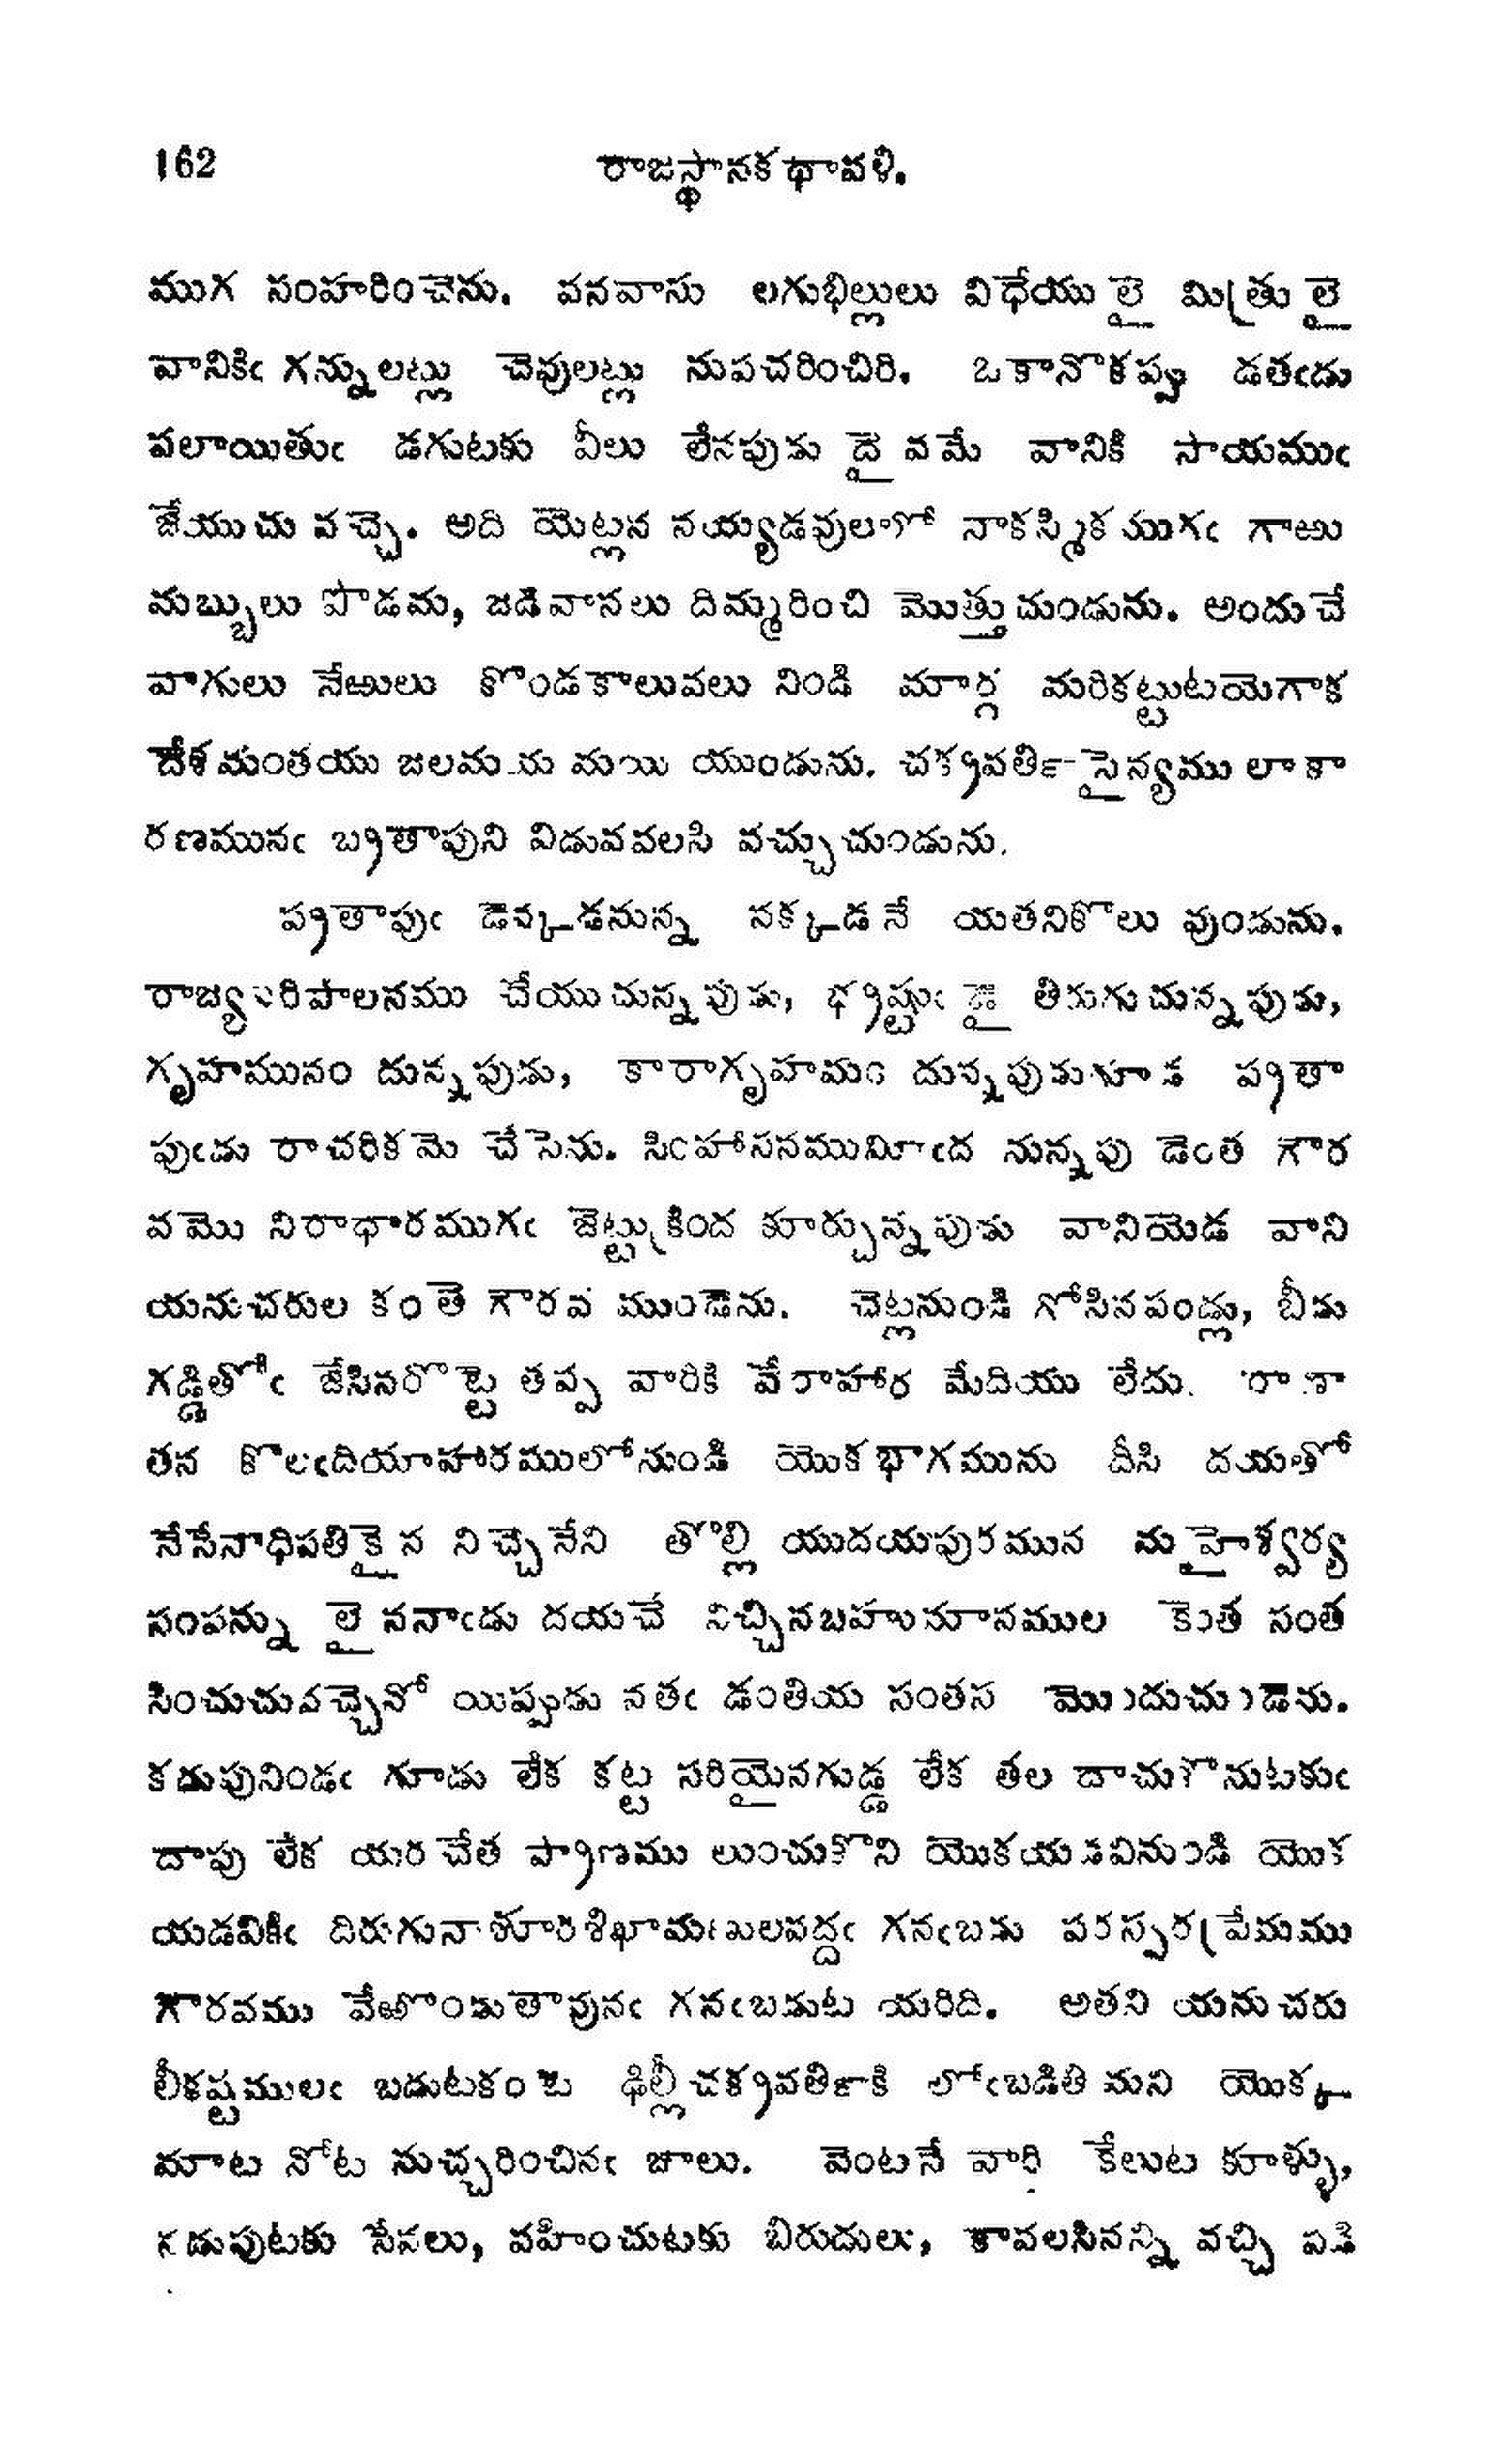ముగ సంహరించెను. వనవాసు లగుభిల్లులు విధేయులై మిత్రులై వానికిఁ గన్నులట్లు చెవులట్లు నుపచరించిరి. ఒకానొకప్పు డతఁడు
పలాయితుఁ డగుటకు వీలు లేనపుడు దైవమే వానికి సాయముఁ జేయుచు వచ్చె. అది యెట్లన నయ్యడవులలో నాకస్మికముగఁ గాఱు
మబ్బులు పొడమ, జడివానలు దిమ్మరించి మొత్తు చుండును. అందుచే వాగులు నేఱులు కొండ కాలువలు నిండి మార్గ మరికట్టుటయేగాక
దేశ మంతయు జలమయ మయి యుండును. చక్రవతి౯ సైన్యము లాకారణమునఁ బ్రతాపుని విడువ వలసి వచ్చుచుండును.

ప్రతాపుఁ డెక్కడనున్న నక్కడనే యతనికొలు వుండును. రాజ్య పరిపాలనము చేయుచున్నపుడు, బ్రష్టుఁడై తిరుగుచున్నఫుడు,
గృహమునం దున్నపుడు, కారాగృహమందున్నపుడు కూడ ప్రతాపుఁడు రాచరికమె చేసెను. సింహాసనముమీఁద నున్నపు డెంత గౌరవమొ నిరాధారముగఁ జెట్టు క్రింద కూర్చున్నపుడు వానియెడ వాని యనుచరుల కంతె గౌరవ ముండెను. చెట్లనుండి గోసిన పండ్లు, బీడు
గడ్డితోఁ జేసినరొట్టె తప్ప వారికి వేరాహార మేదియు లేదు.రాణా తన కొలదియాహారములోనుండి యొక భాగమును దీసి దయతో
నేసేనాధిపతి కైన నిచ్చేనేని తొల్లి యుదయపురమున మహైశ్వర్య సంపన్ను లైననాఁడు దయచే నిచ్చిన బహుమానముల కెంత సంత
సించుచువచ్చెనో యిప్పుడు నతఁ డంతియ సంతస మొందుచుండెను. కడుపునిండఁ గూడు లేక కట్ట సరియైన గుడ్డ లేక తల దాచుకొనుటకుఁ దాపు లేక యర చేత ప్రాణము లుంచుకొని యొకయడవినుండి యొక యడవికిఁ దిరుగునా శూర శిఖామణులవద్దఁ గనఁబకు పరస్పర ప్రేమము గౌరవము వేఱోండు తావునఁ గనఁబడుట యరిది.అతని యనుచరు లీకష్టములఁ బడుటకంటె ఢిల్లీ చక్రవతి౯కి లోఁబడితి మని యొక్క మాట నోట నుచ్చరించినఁ జాలు. వెంటనే వారి కేలుట కూళ్ళు, నడుపుటకు సేనలు, వహించుటకు బిరుదుల, కావలసినన్ని వచ్చి పడి